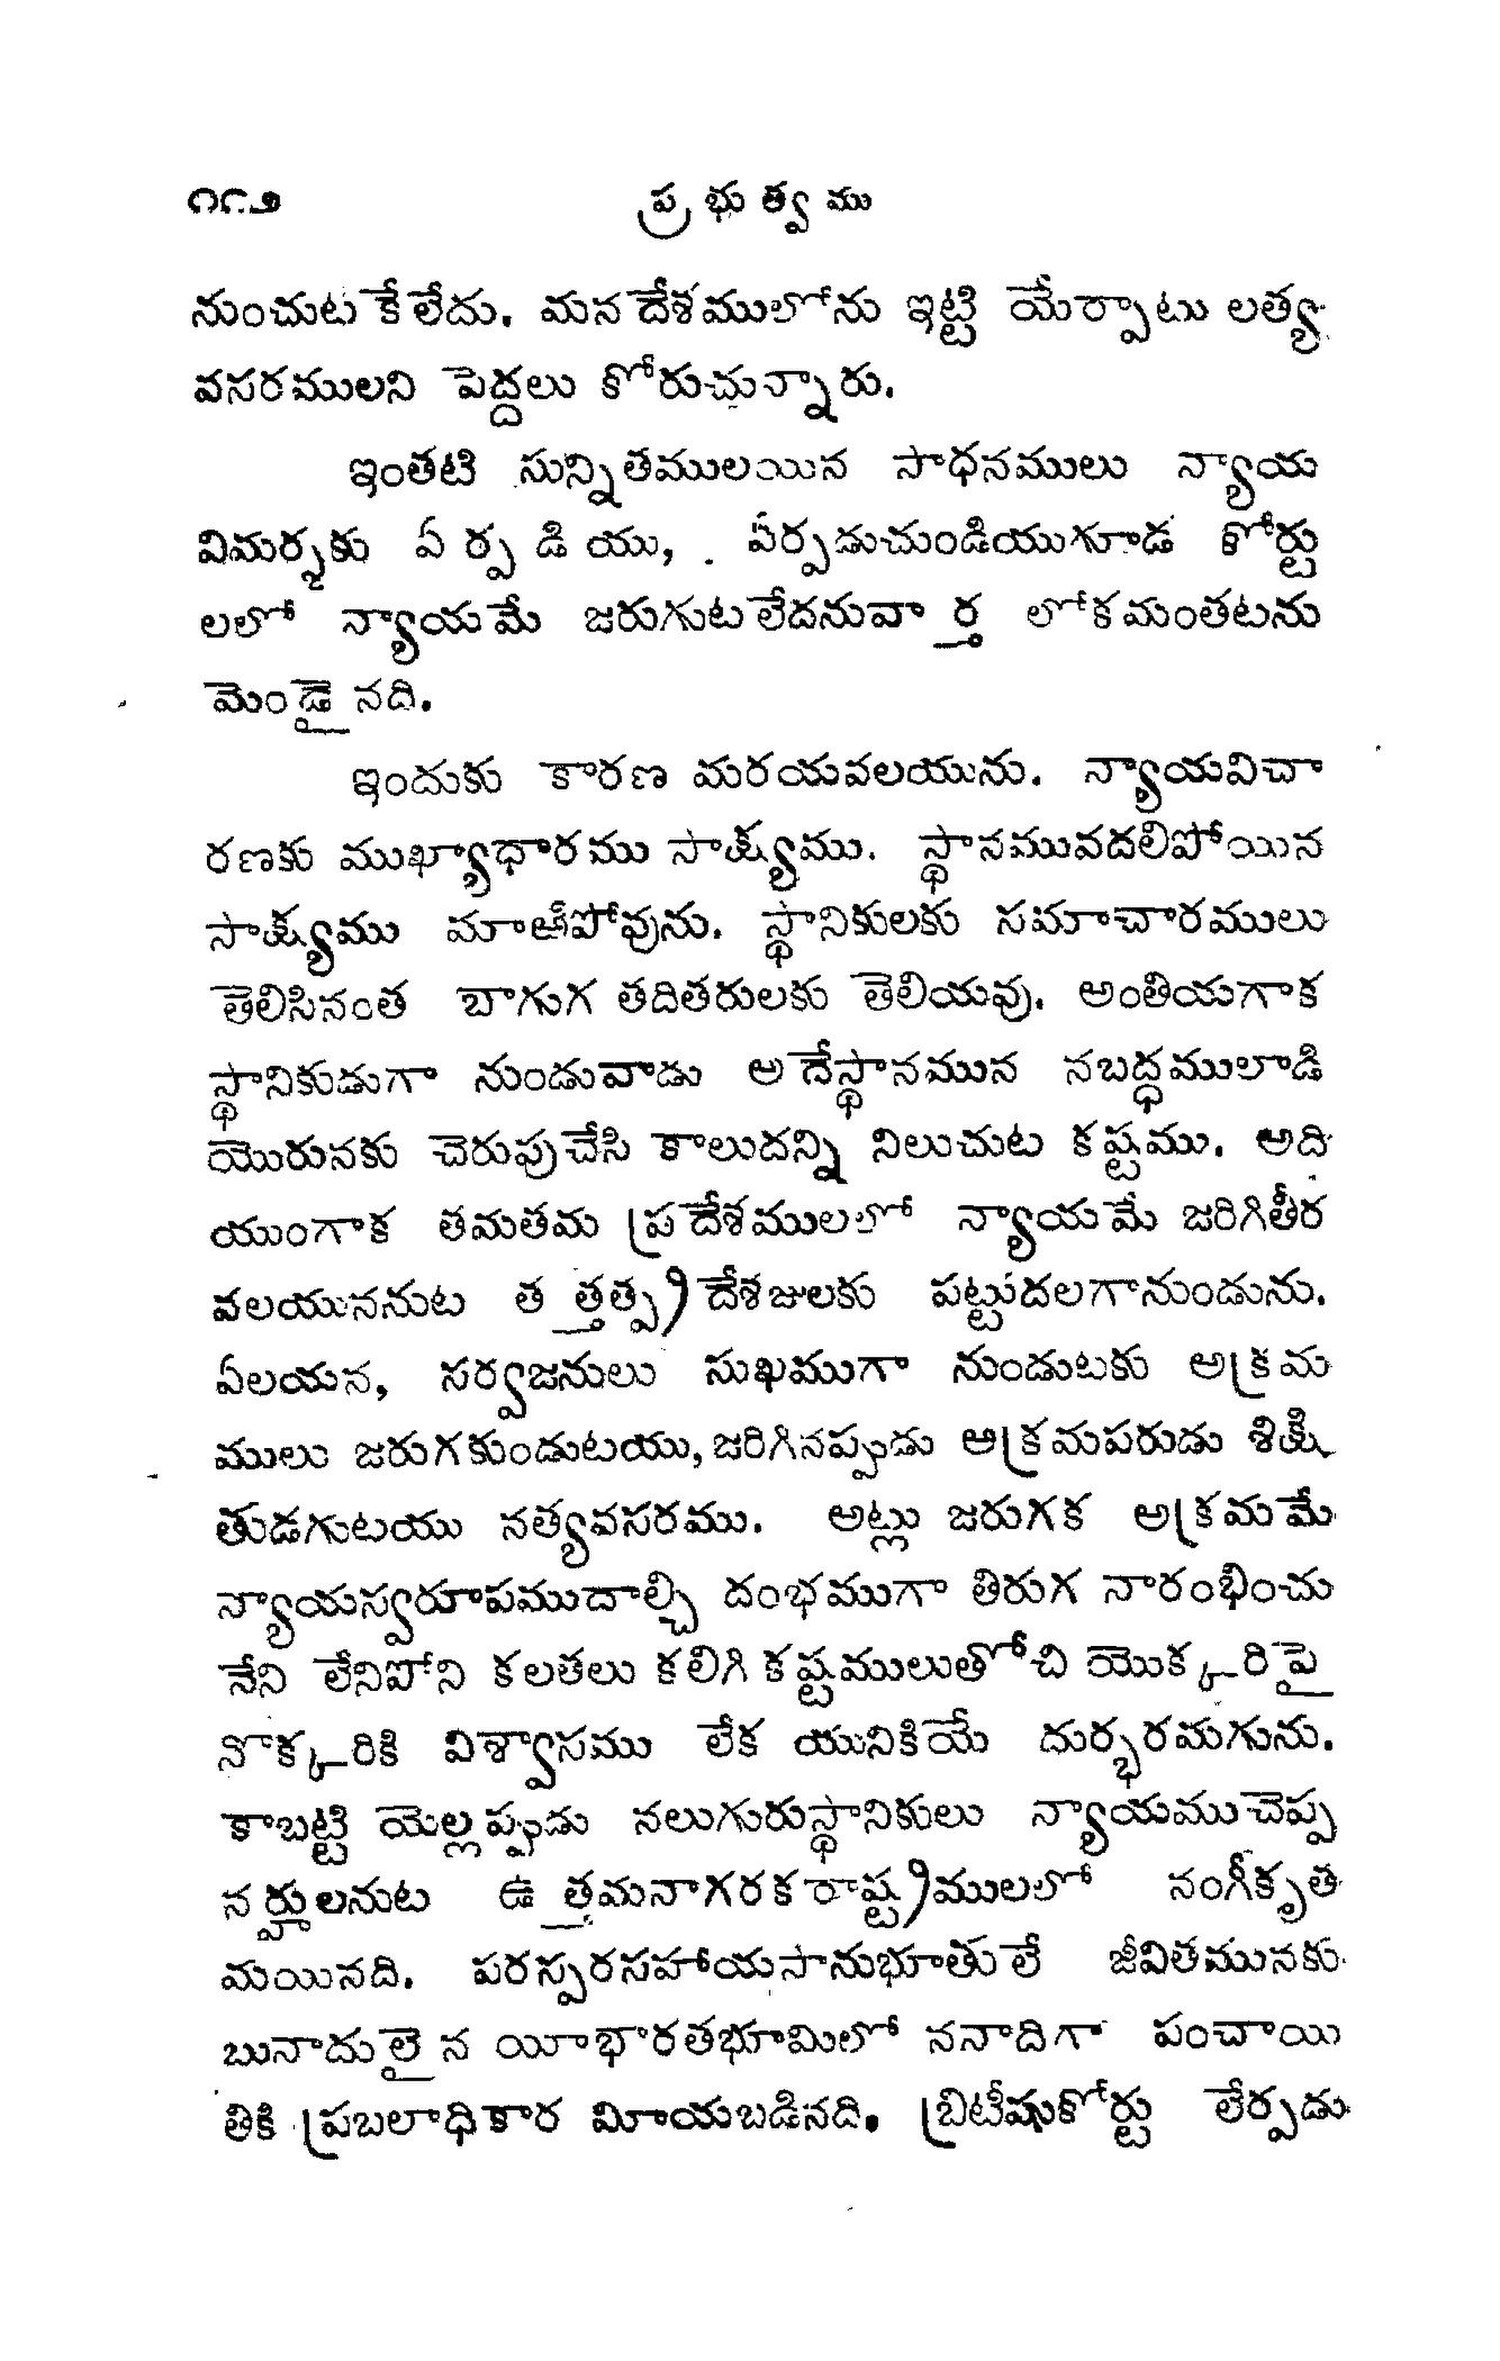నుంచుటకేలేదు. మనదేశములోను ఇట్టి యేర్పాటు లత్యవసరములని పెద్దలు కోరుచున్నారు.

ఇంతటి సున్నితములయిన సాధనములు న్యాయవిమర్శకు ఏర్పడియు, ఏర్పడుచుండియుగూడ కోర్టులలో న్యాయమే జరుగుటలేదనువార్త లోకమంతటను మెండైనది.

ఇందుకు కారణ మరయవలయును. న్యాయవిచారణకు ముఖ్యాధారము సాక్ష్యము. స్థానమువదలి పోయిన సాక్ష్యము మాఱిపోవును. స్థానికులకు సమాచారములు తెలిసినంత బాగుగ తదితరులకు తెలియవు. అంతియగాక స్థానికుడుగా నుండువాడు అదేస్థానమున నబద్ధములాడి యొరునకు చెరుపుచేసి కాలుదన్ని నిలుచుట కష్టము. అదియుంగాక తమతమ ప్రదేశములలో న్యాయమే జరిగితీర వలయుననుట తత్తత్ప్రదేశజులకు పట్టుదలగానుండును. ఏలయన, సర్వజనులు సుఖముగా నుండుటకు అక్రమములు జరుగకుండుటయు, జరిగినప్పుడు ఆక్రమపరుడు శిక్షితుడగుటయు నత్యవసరము. అట్లు జరుగక అక్రమమే న్యాయస్వరూపముదాల్చి దంభముగా తిరుగ నారంభించునేని లేనిపోని కలతలు కలిగి కష్టములుతోచి యొక్కరిపై నొక్కరికి విశ్వాసము లేక యునికియే దుర్భరమగును. కాబట్టి యెల్లప్పుడు నలుగురుస్థానికులు న్యాయముచెప్ప నర్హులనుట ఉత్తమనాగరకరాష్ట్రములలో నంగీకృతమయినది. పరస్పరసహాయసానుభూతులే జీవితమునకు
బునాదులైన యీభారతభూమిలో ననాదిగా పంచాయితికి ప్రబలాధికార మీయబడినది. బ్రిటీషుకోర్టు లేర్పడు